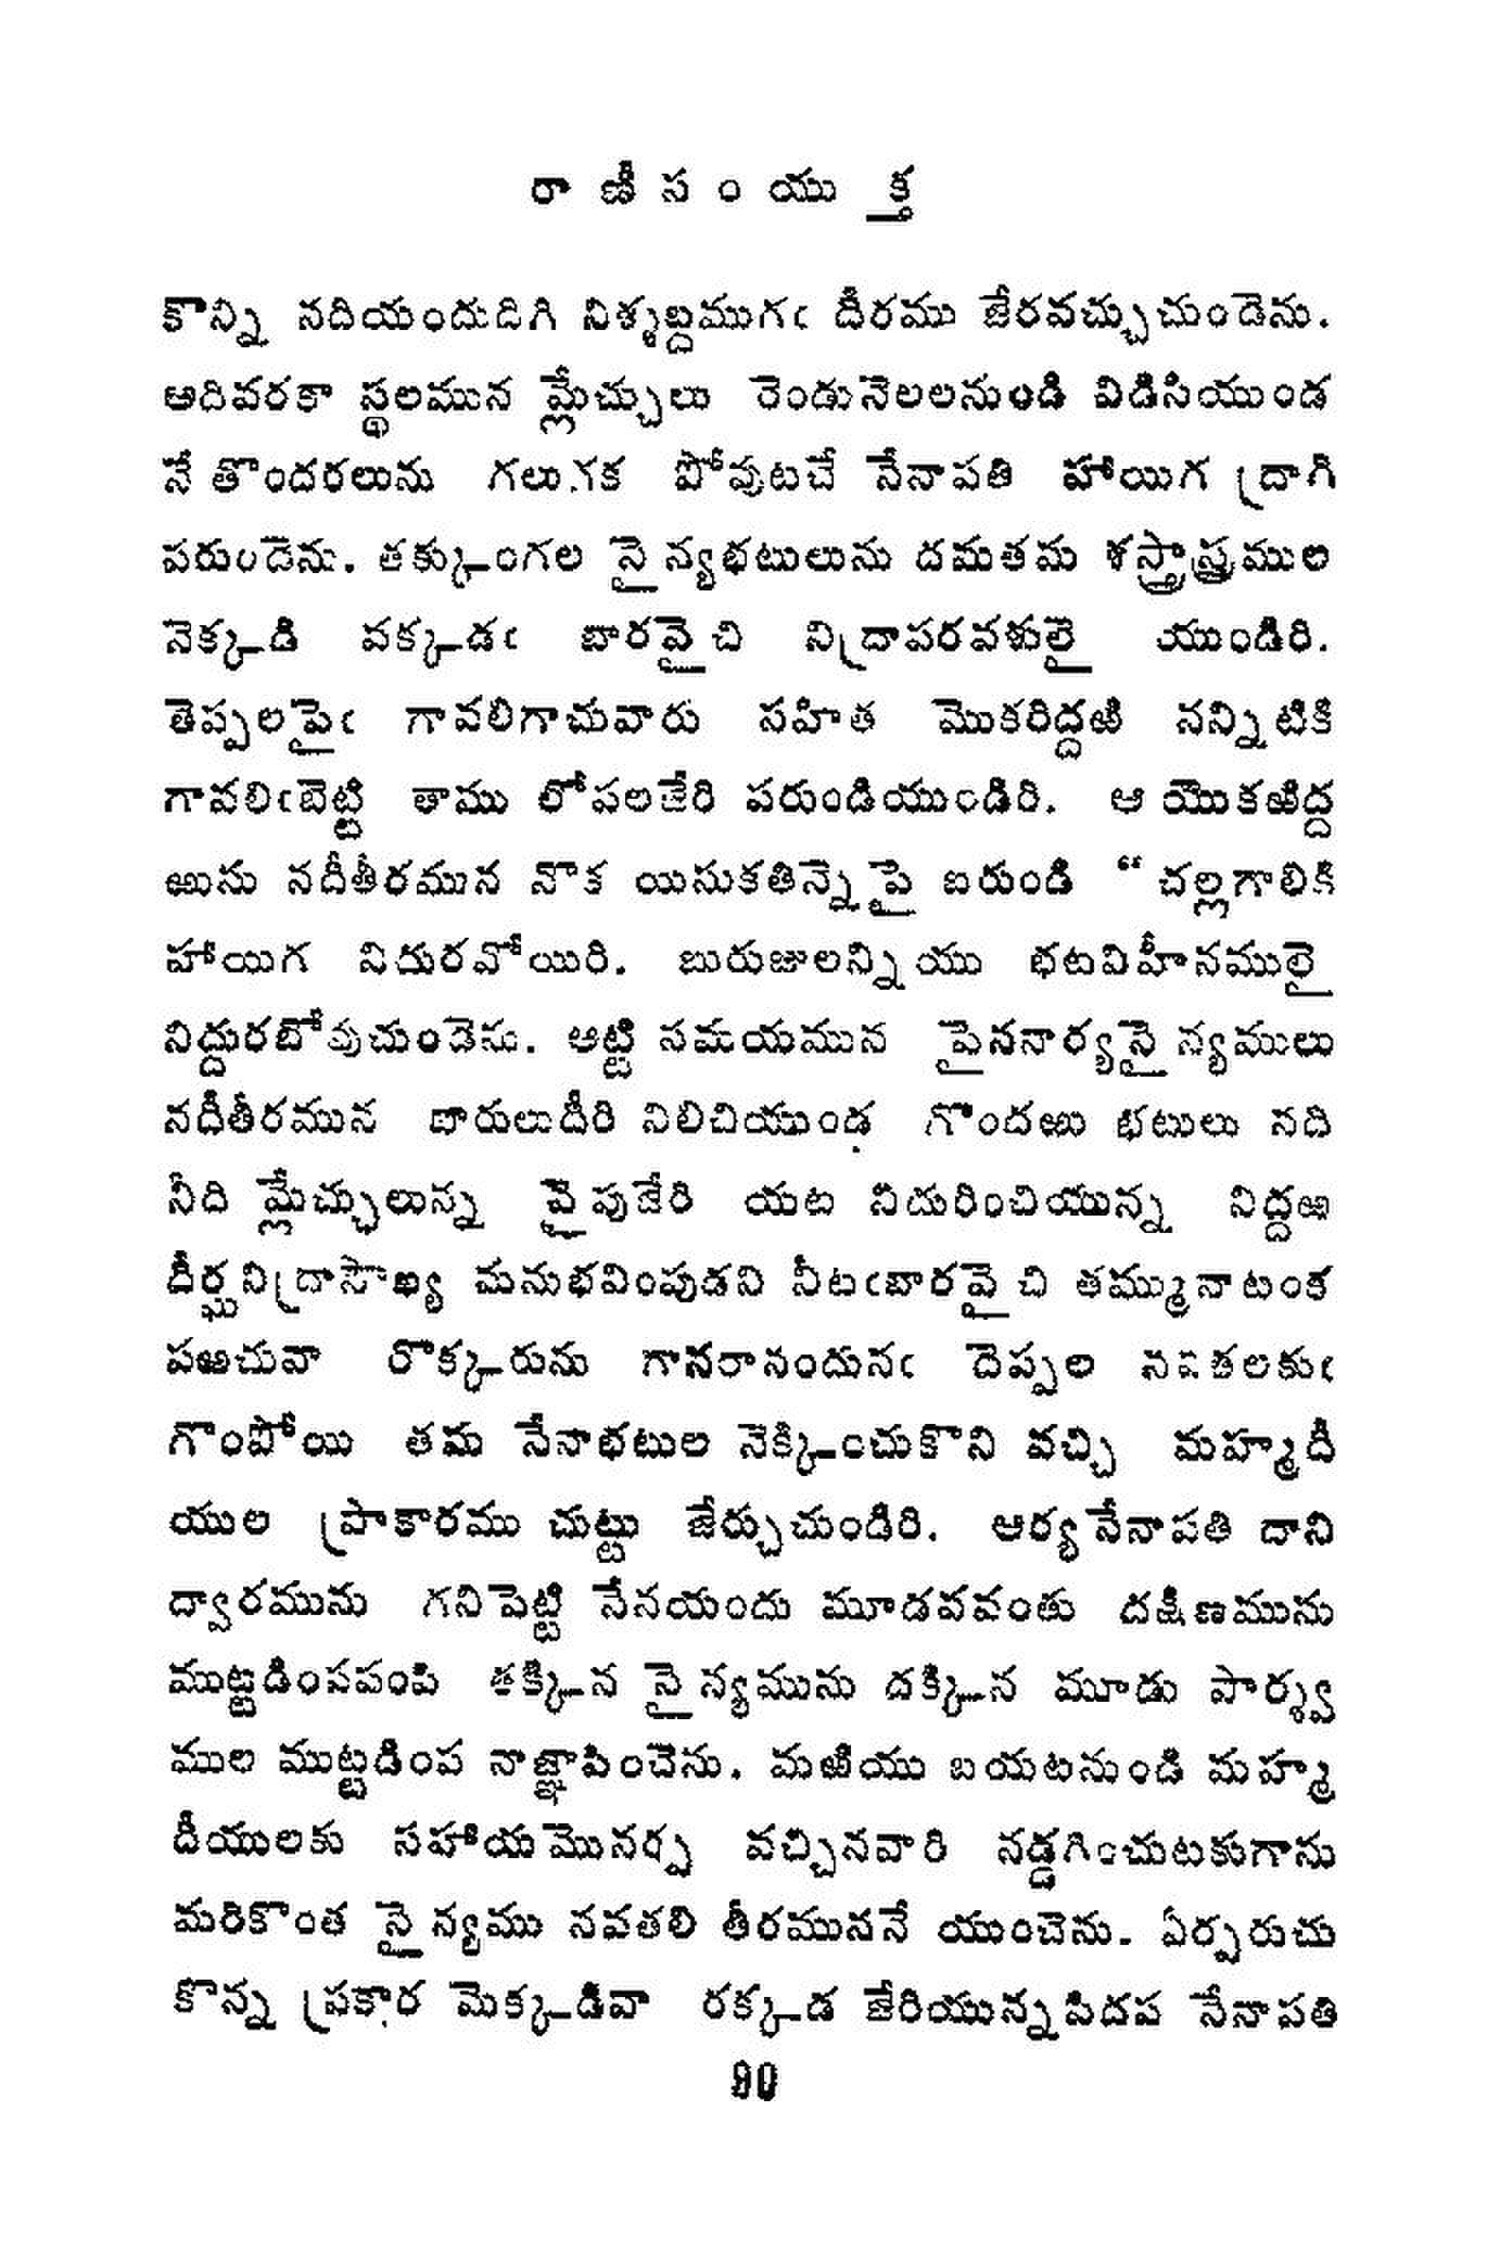కొన్ని నదియందుదిగి నిశ్శబ్దముగఁ దీరము జేరవచ్చుచుండెను. అదివరకా స్థలమున మ్లేచ్చులు రెండునెలలనుండి విడిసియుండ నే తొందరలును గలుగక పోవుటచే నేనాపతి హాయిగ ద్రాగి పరుండెను. తక్కుంగల సైన్యభటులును దమతమ శస్త్రాస్త్రముల నెక్కడి వక్కడఁ బారవైచి నిద్రపరవశులై యుండిరి. తెప్పలపైఁ గావలిగాచువారు సహిత మొకరిద్ఱఱి నన్నిటికి గావలిఁబెట్టి తాము లోపలజేరి పరుండియుండిరి. ఆ యొకఱిద్దఱును నదీతీరమున నొక యిసుకతిన్నెపై బరుండి “చల్లగాలికి హాయిగ నిదురవోయిరి. బురుజులన్నియు భటవిహీనములై నిద్దురబోవుచుండెను. అట్టి సమయమున పైననార్యసైన్యములు నదీతీరమున బారులుదీరి నిలిచియుండ గొందఱు భటులు నది నీది మ్లేచ్చులున్న వైపుజేరి యట నిదురించియున్న నిద్దఱ దీర్ఘనిద్రాసౌఖ్య మనుభవింపుడని నీటఁబారవైచి తమ్మునాటంక పఱచువా రొక్కరును గానరానందునఁ దెప్పల నవతలకుఁ గొంపోయి తమ సేనాభటుల నెక్కించుకొని వచ్చి మహ్మదీయుల ప్రాకారము చుట్టు జేర్చుచుండిరి. ఆర్యసేనాపతి దాని ద్వారమును గనిపెట్టి సేనయందు మూడవవంతు దక్షిణమును ముట్టడింపపంపి తక్కిన నైన్యమును దక్కిన మూడు పార్శ్వముల ముట్టడింప నాజ్ఞాపించెను. మఱియు బయటనుండి మహ్మదీయులకు సహాయమొనర్ప వచ్చినవారి నడ్డగించుటకుగాను మరికొంత సైన్యము నవతలి తీరముననే యుంచెను. ఏర్పరుచుకొన్న ప్రకార మెక్కడివా రక్కడ జేరియున్న పిదప సేనాపతి